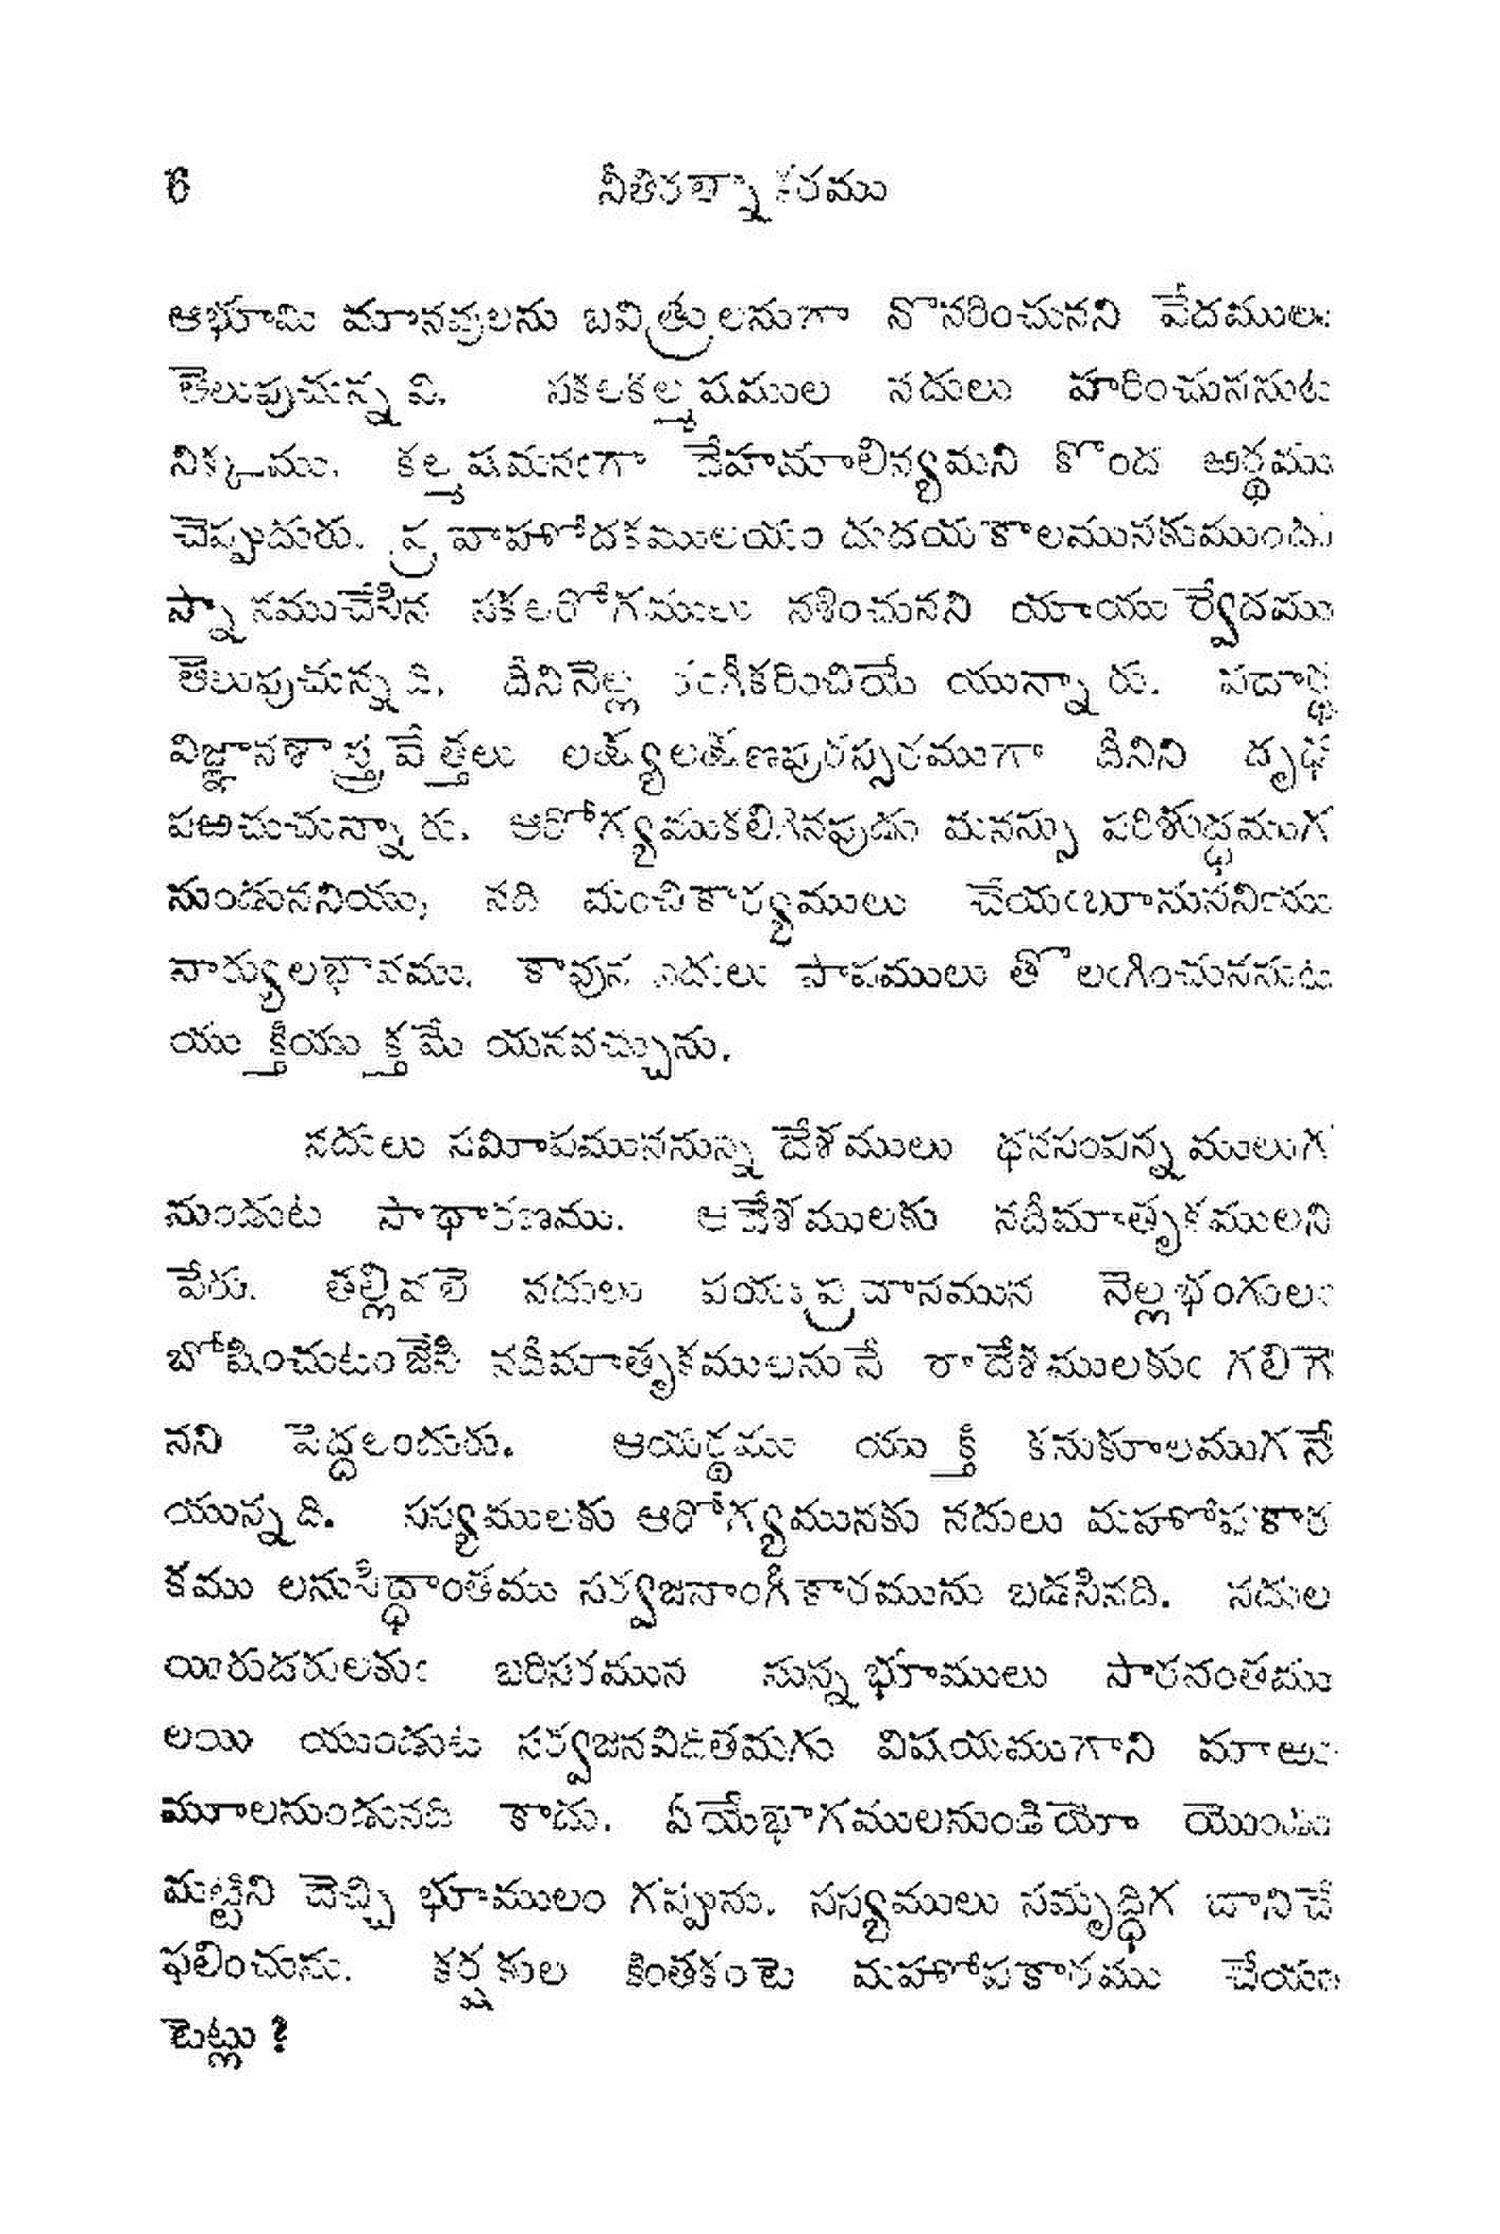ఆభూమి మానవులను బవిత్రులనుగా నొనరించునని వేదములు తెలుపుచున్నవి. సకలకల్మషముల నదులు హరించుననుట నిక్కము. కల్మషమనగా దేహమాలిన్యమని కొంద ఱర్థము చెప్పుదురు. ప్రవాహోదకముల యందుదయకాలమునకు ముందు స్నానము చేసిన సకల రోగములు నశించునని యాయుర్వేదము తెలుపుచున్నది. దీనినెల్ల నంగీరించియే యున్నారు. పదార్థ విజ్ఞానశాస్త్ర వేత్తలు లక్ష్యలక్షణ 
పురస్సరముగా దీనిని దృఢ పఱచుచున్నారు. ఆరోగ్యముకలిగినపుడు. మనస్సు పరిశుద్ధముగ నుండుననియు, నది మంచి కార్యములు చేయఁబూనుననియు నార్యులభావము. కావున నదులు పాపములు తొలఁగించుననుట యుక్తియుక్తమే యనవచ్చును.

నదులు సమీపముననున్న దేశములు ధనసంపన్నములుగా నుండుట సాధారణము. ఆదేశములకు నదీమా తృకములని పేరు. తల్లివలె నదులు పయః ప్రధానమున నెల్ల భంగులంబోషించుటంజేసి నదీమాతృకములనుపే రాదేశములకుఁ గలిగె నని పెద్దలందురు. ఆయర్థము యుక్తి కనుకూలముగనే
యున్నది. సస్యములకు ఆరోగ్యమునకు నదులు మహోపకారకములను సిద్ధాంతము సర్వజనాంగీకారమును బడసినది. నదుల యిరుదరులకుఁ బరిసరమున నున్న భూములు సారసంతము లయి యుండుట సర్వజనవిదితమగు విషయముగాని మాఱు మూలనుండునది కాదు. ఏయేభాగములనుండియో యొండు మట్టిని దెచ్చి భూములం గప్పును. సస్యములు సమృద్దిగ దానిచే ఫలించును. కర్షకుల కింతకంటే మహోపకారము చేయుటెట్లు?
-